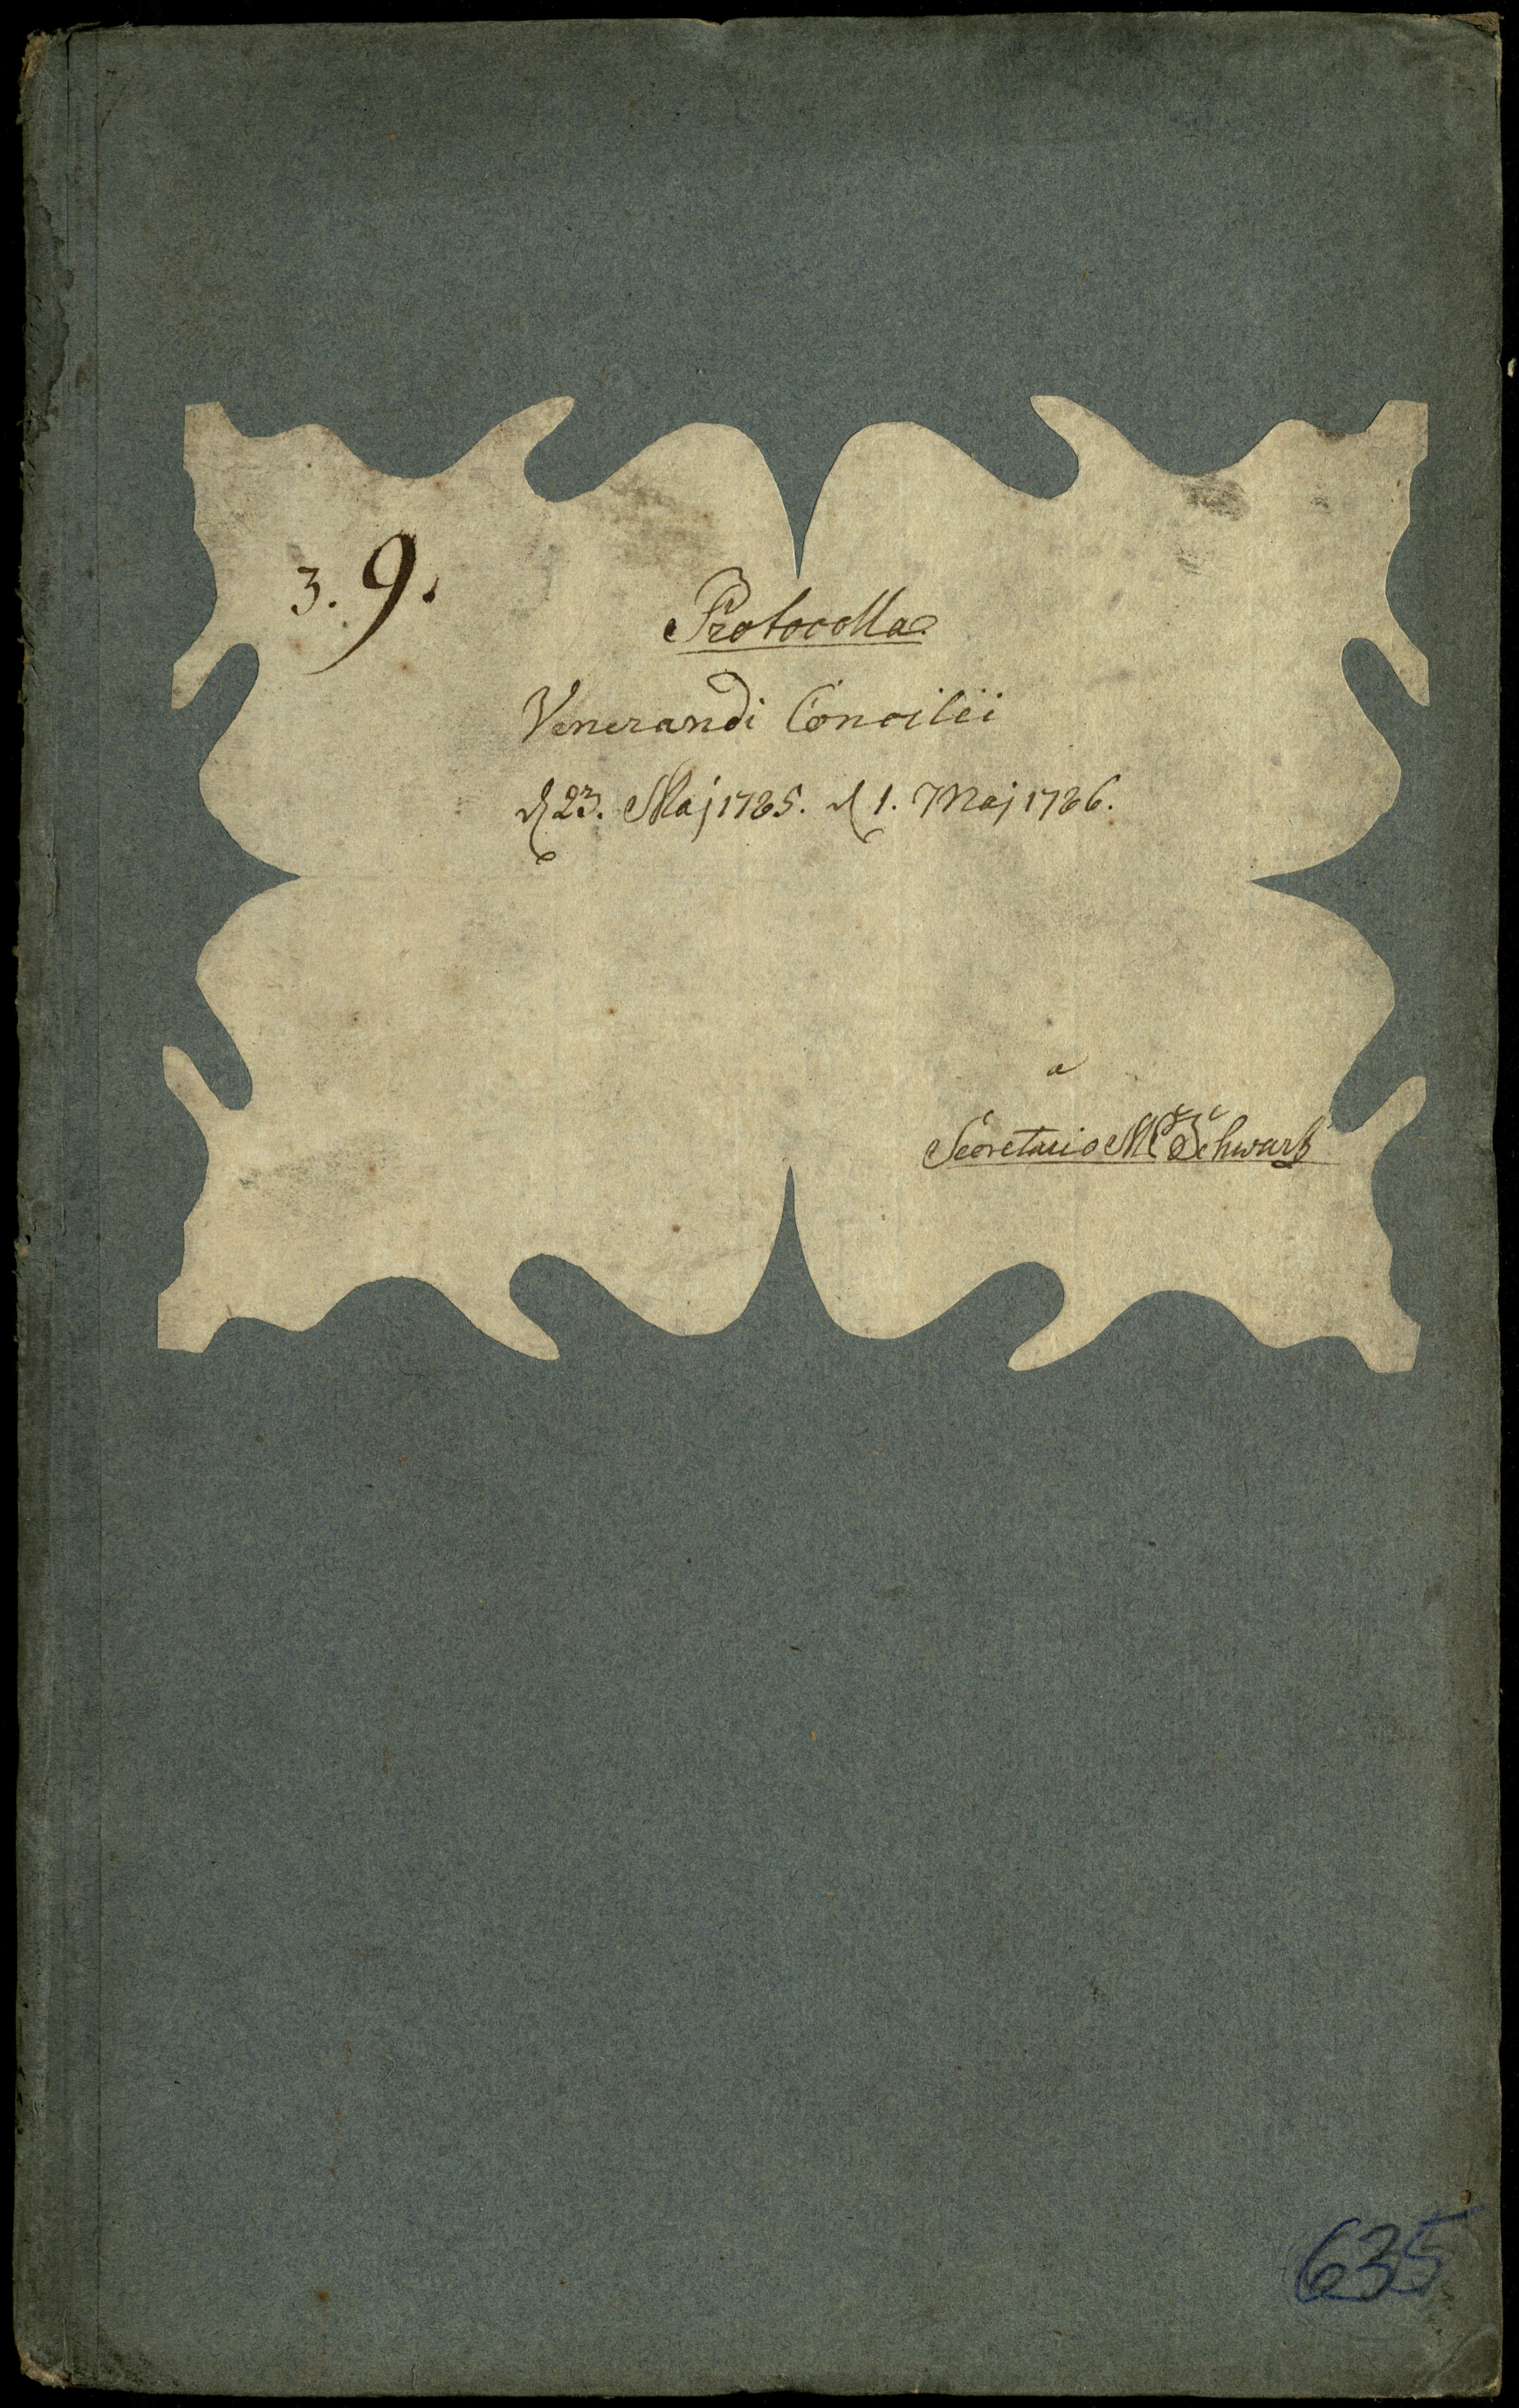Protocolla
Venerandi Concilii
d. 23. Maj 1785. d. 1. Maj 1786.
Secretario M. C. Schwartz